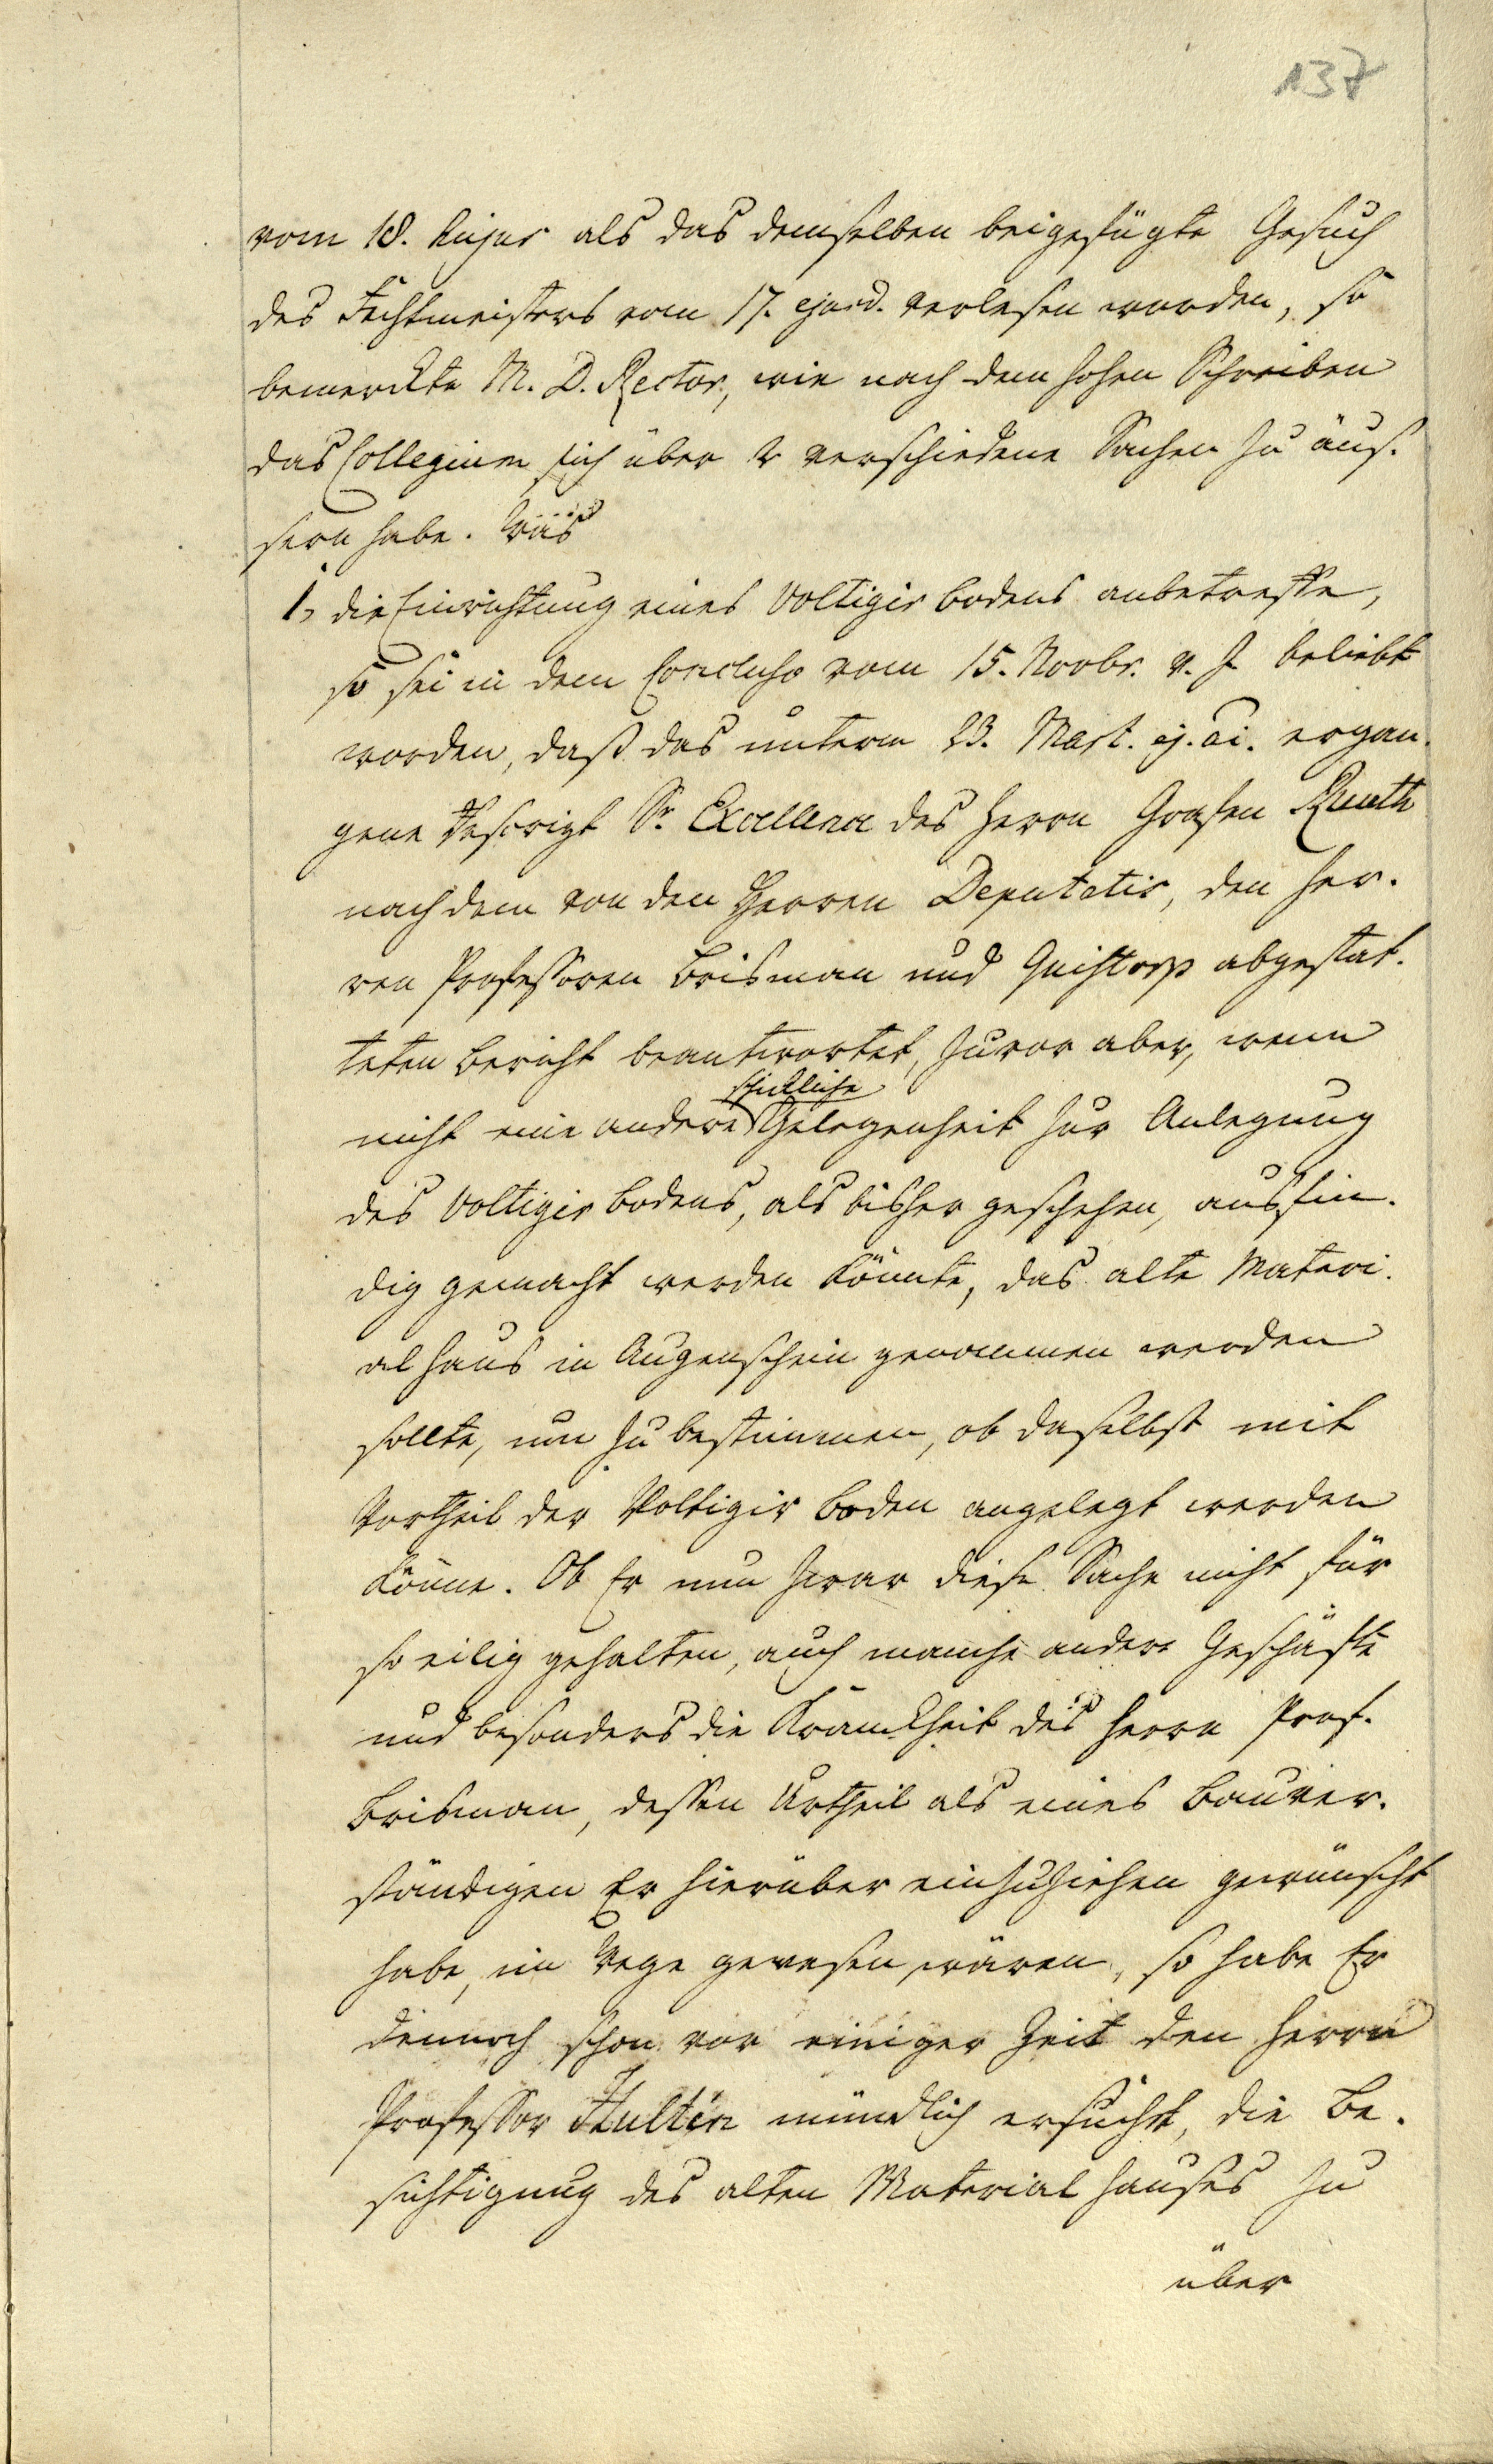vom 18. hujus als das demselben beigefügte Gesuch
des Fechtmeisters vom 17. ejusd. verlesen worden, so
bemerckten M. D. Rector, wie nach dem Hohen Schreiben
das Collegium sich über 2 verschiedene Sachen zu äus¬
sern habe. Was
1. die Einrichtung eines Voltigirbodens anbetreffe,
so sei in dem Concluso vom 15. Novbr. v. J. beliebt
worden, daß das unterm 23. Mart. ej. ai. ergan¬
gene Rescript Sr Excellence des Herrn Grafen Ruuth
nach dem von den Herren Deputatis, den Her¬
ren Professoren Brisman und Quistorp abgestat¬
teten Bericht beantwortet, zuvor aber, wenn
schickliche
nicht eine andere Gelegenheit zur Anlegung
des Voltigir Bodens, als bisher geschehen, ausfin¬
dig gemacht werden könnte, das alte Materi¬
alhaus in Augenschein genommen werden
sollte, um zu bestimmen, ob daselbst mit
Vortheil der Voltigir Boden angelegt werden
könne. Ob Er nun zwar diese Sache nicht für
so eilig gehalten, auch manche andere Geschäfte
und besonders die Kranckheit des Herrn Prof.
Brisman, dessen Urtheil als eines Bauver¬
ständigen Er hierüber einzuziehen gewünscht
habe, im Wege gewesen wären, so habe Er
dennoch schon vor einiger Zeit den Herrn
Professor Hultén mündlich ersuchet, die Be¬
sichtigung des alten Material Hauses zu
über